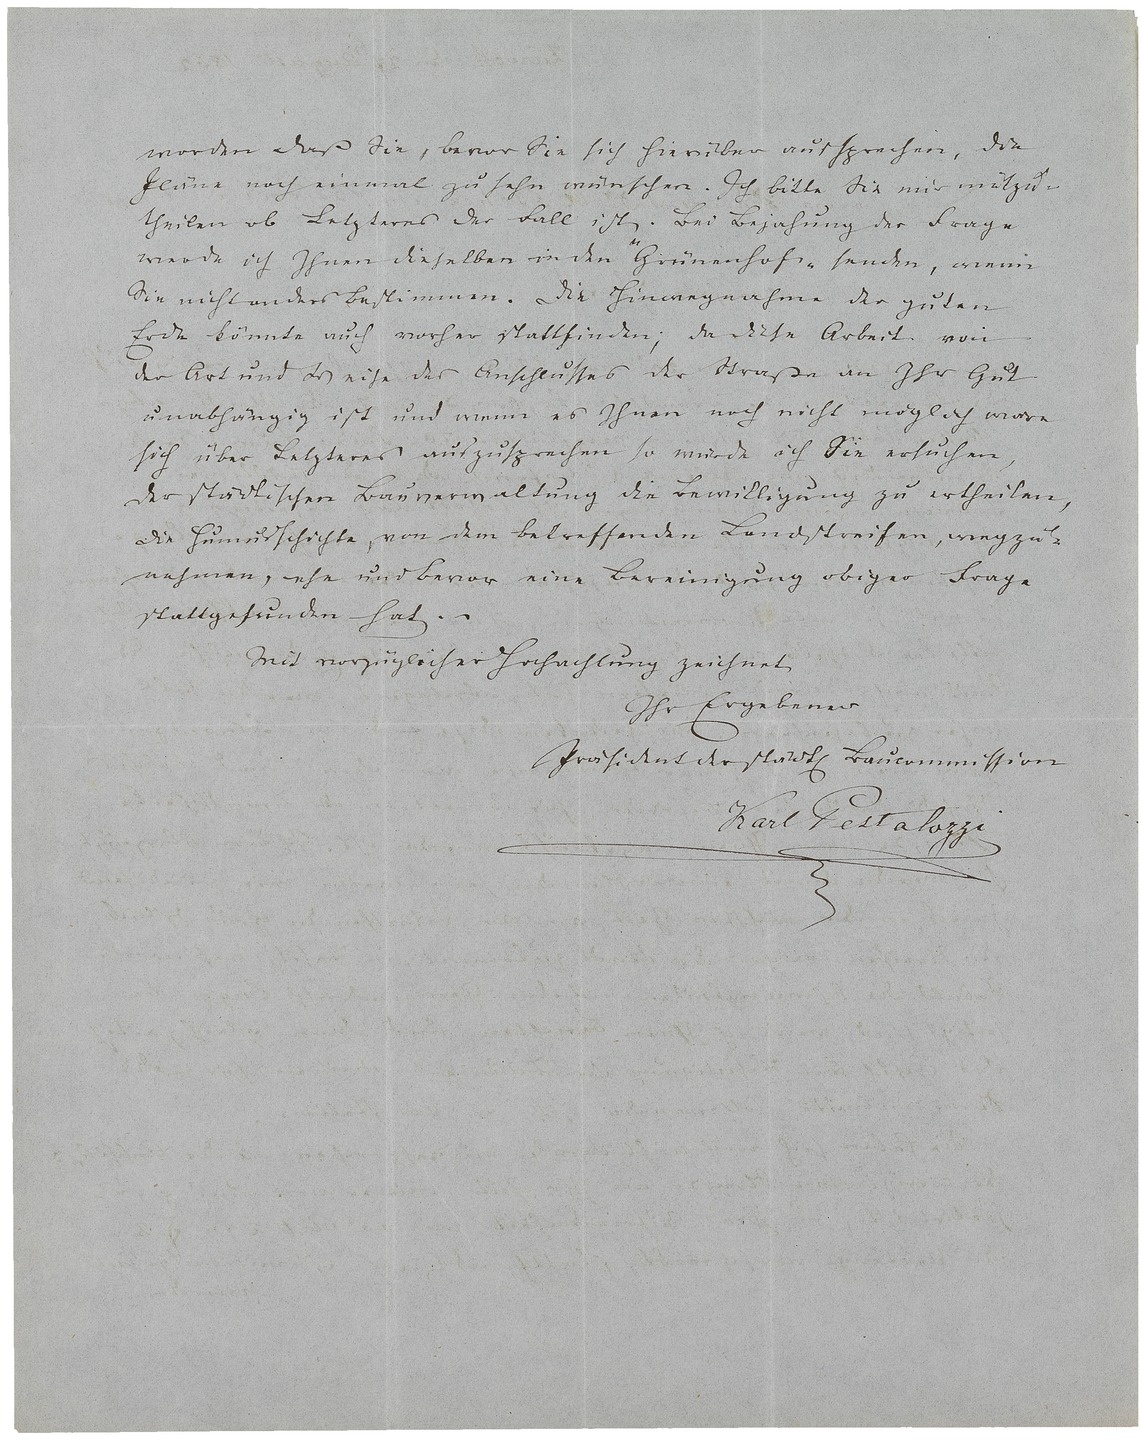worden daß Sie, bevor Sie sich hierüber aussprechen, die
Pläne noch einmal zu sehn wünschen. Ich bitte Sie mir mitzu-
theilen ob Letzteres der Fall ist. Bei Bejahung der Frage
werde ich Ihnen dieselben in den «Grünenhof» senden, wenn
Sie nicht anders bestimmen. Die Hinwegnahme der guten
Erde könnte auch vorher stattfinden; da diese Arbeit von
der Art und Weise des Anschlusses der Straße an Ihr Gut
unabhängig ist und wenn es Ihnen noch nicht möglich wäre
sich über Letzteres auszusprechen so würde ich Sie ersuchen,
der städtischen Bauverwaltung die Bewilligung zu ertheilen,
die Humusschichte, von dem betreffenden Landstreifen, wegzu-
nehmen, ehe und bevor eine Bereinigung obiger Frage
stattgefunden hat. –
Mit vorzüglicher Hochachtung zeichnet
Ihr Ergebener
Präsident der städtischen Baucommission
Karl Pestalozzi